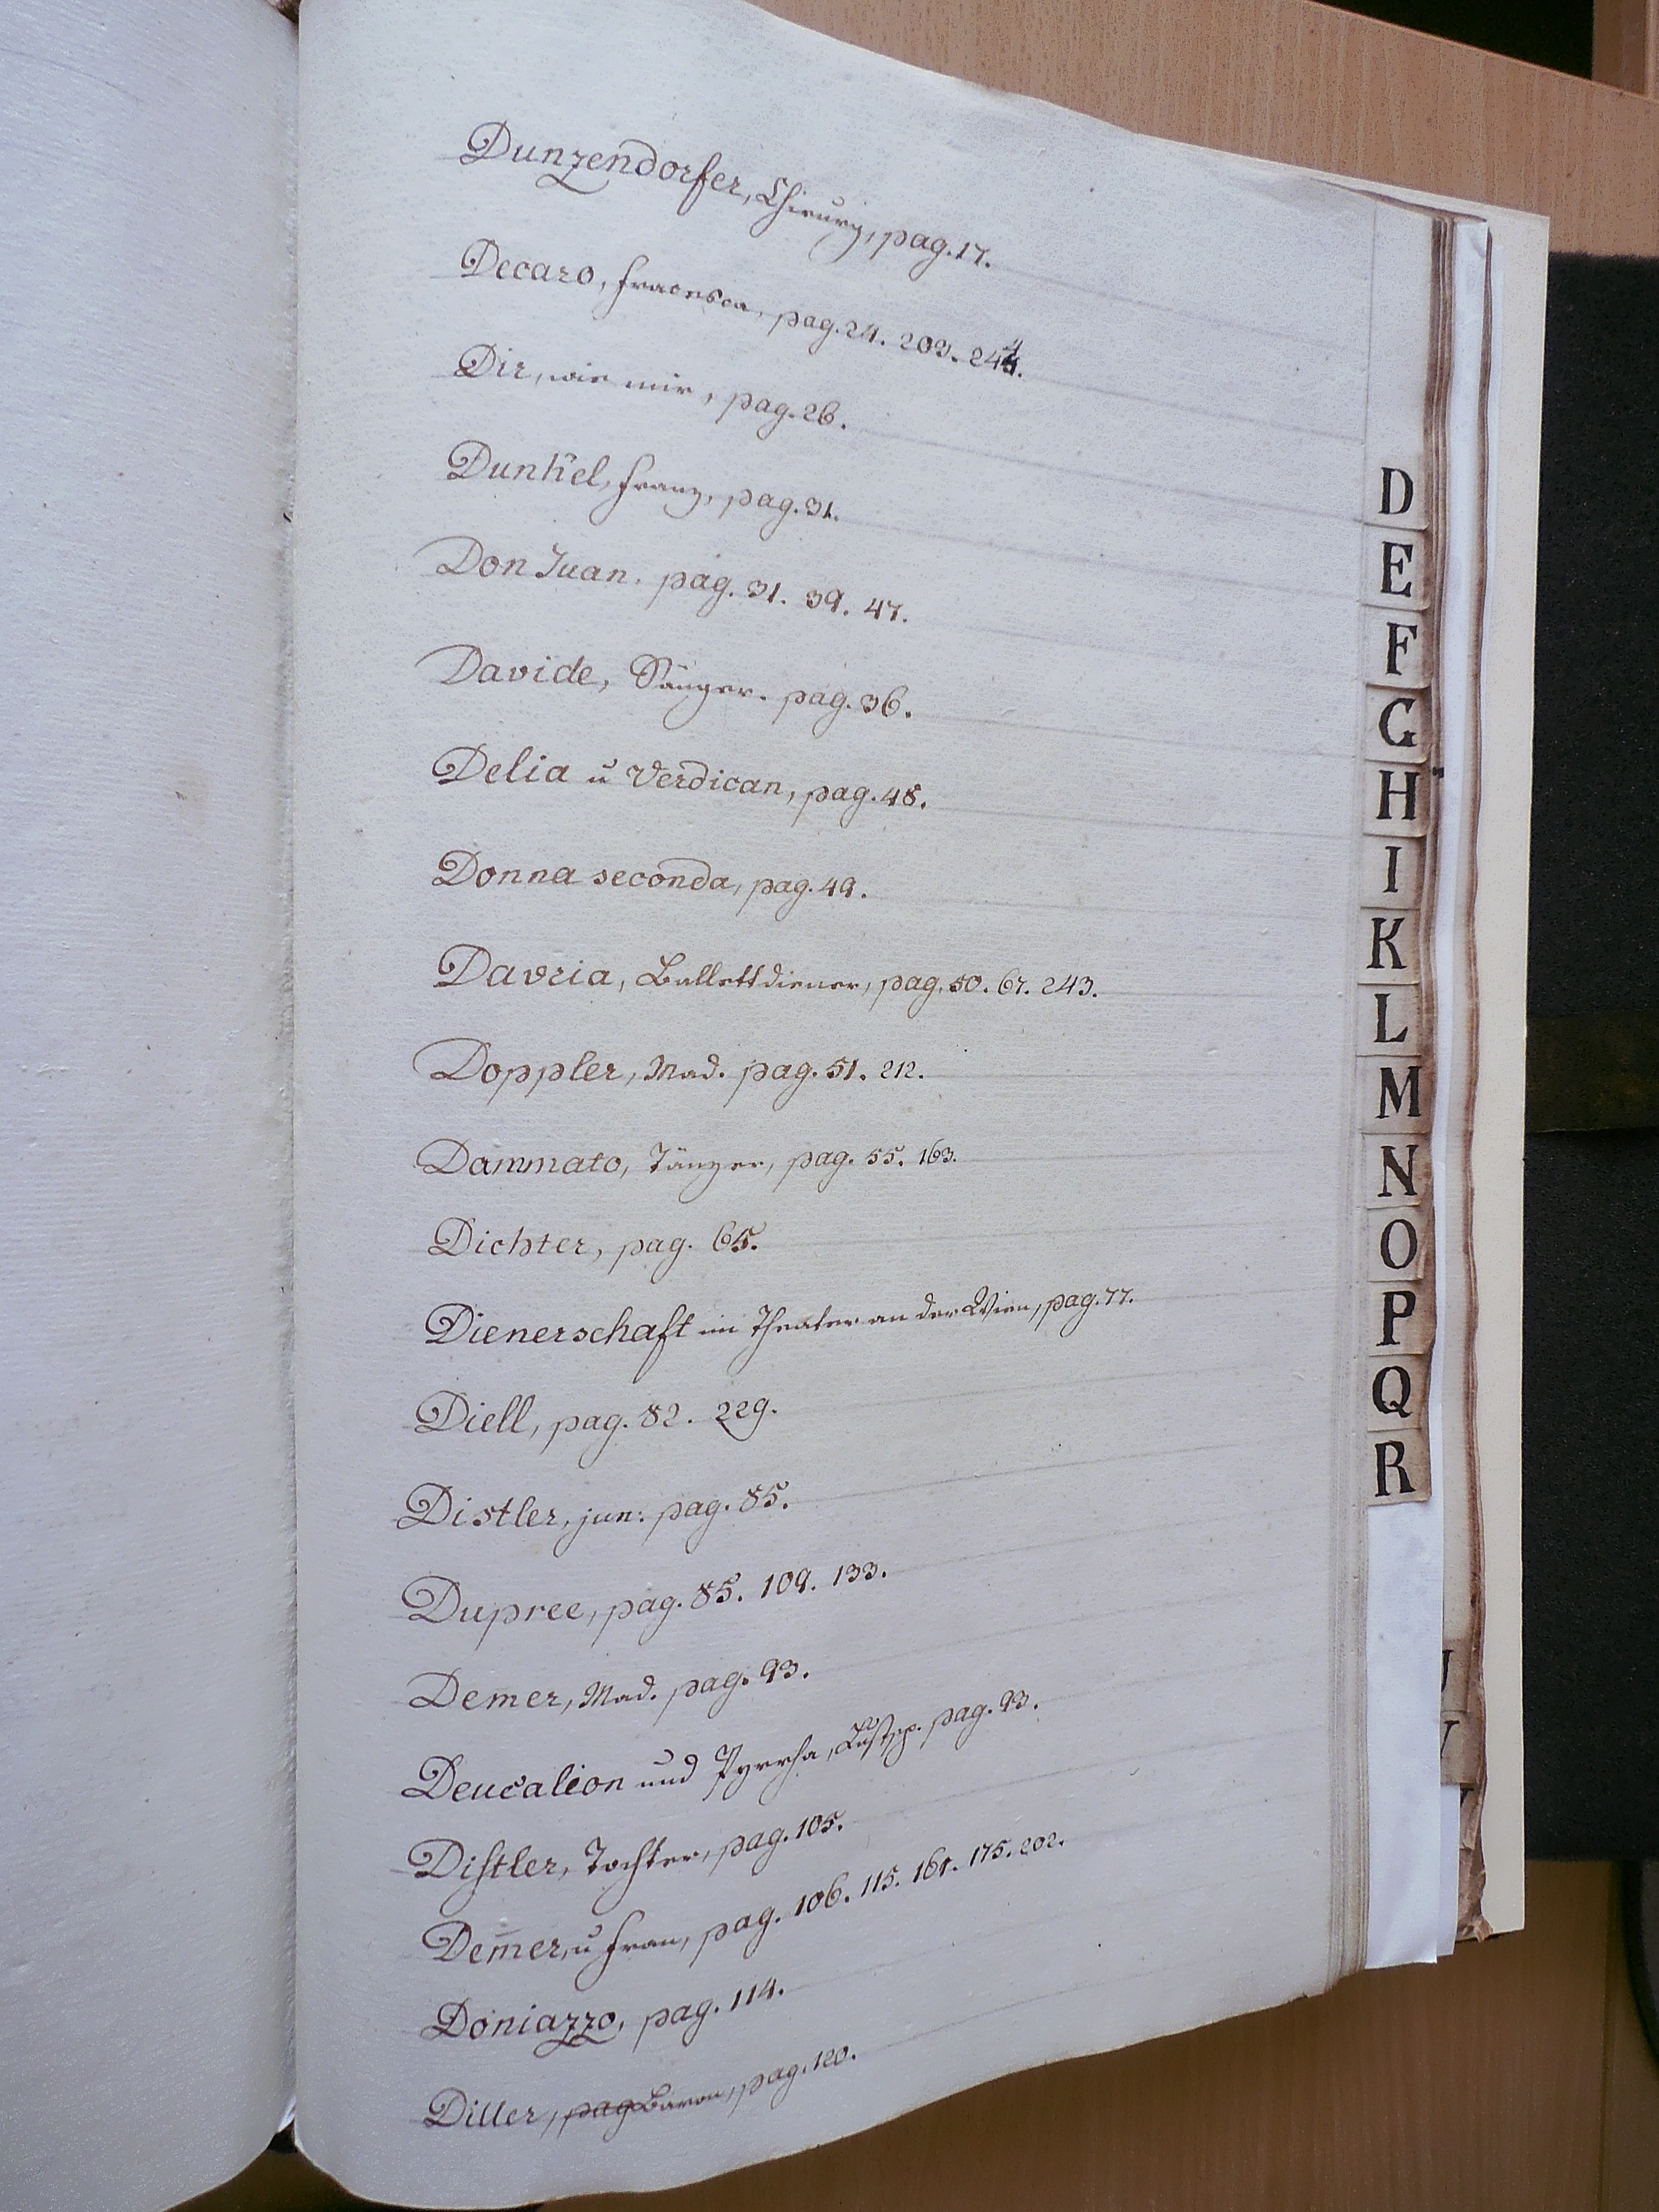D
Dunzendofer, Chirurg, pag. 17.
Decaro, Fracesca, pag. 24. 203. 244.
Dir, wir mir, pag. 26.
Dunkel, Franz, pag 31.
Don Juan, pag. 31. 39. 47.
Davide, Sänger. pag. 36.
Delia u Verdican, pag.48.
Donna seconda, pag.49.
Davria, Ballettdiener, pag. 50. 67. 243.
Doppler, Mad. pag. 51. 212.
Dammato, Tänzer, pag. 55. 163.
Dichter, pag. 65.
Dienerschaft im Theater an der Wien, pag. 77.
Diell, pag. 82. 229.
Distler, jun: pag. 85.
Dupree, pag. 85. 109. 133.
Demer, Mad. pag. 93.
Deucalion und Pyrrha, Lustsp. pag. 93..
Distler, Tochter, pag. 105.
Dem̅er, u Frau, pag. 106. 115. 161. 175. 202.
Doniazzo, pag. 114.
Diller, pagBaron, pag. 120.